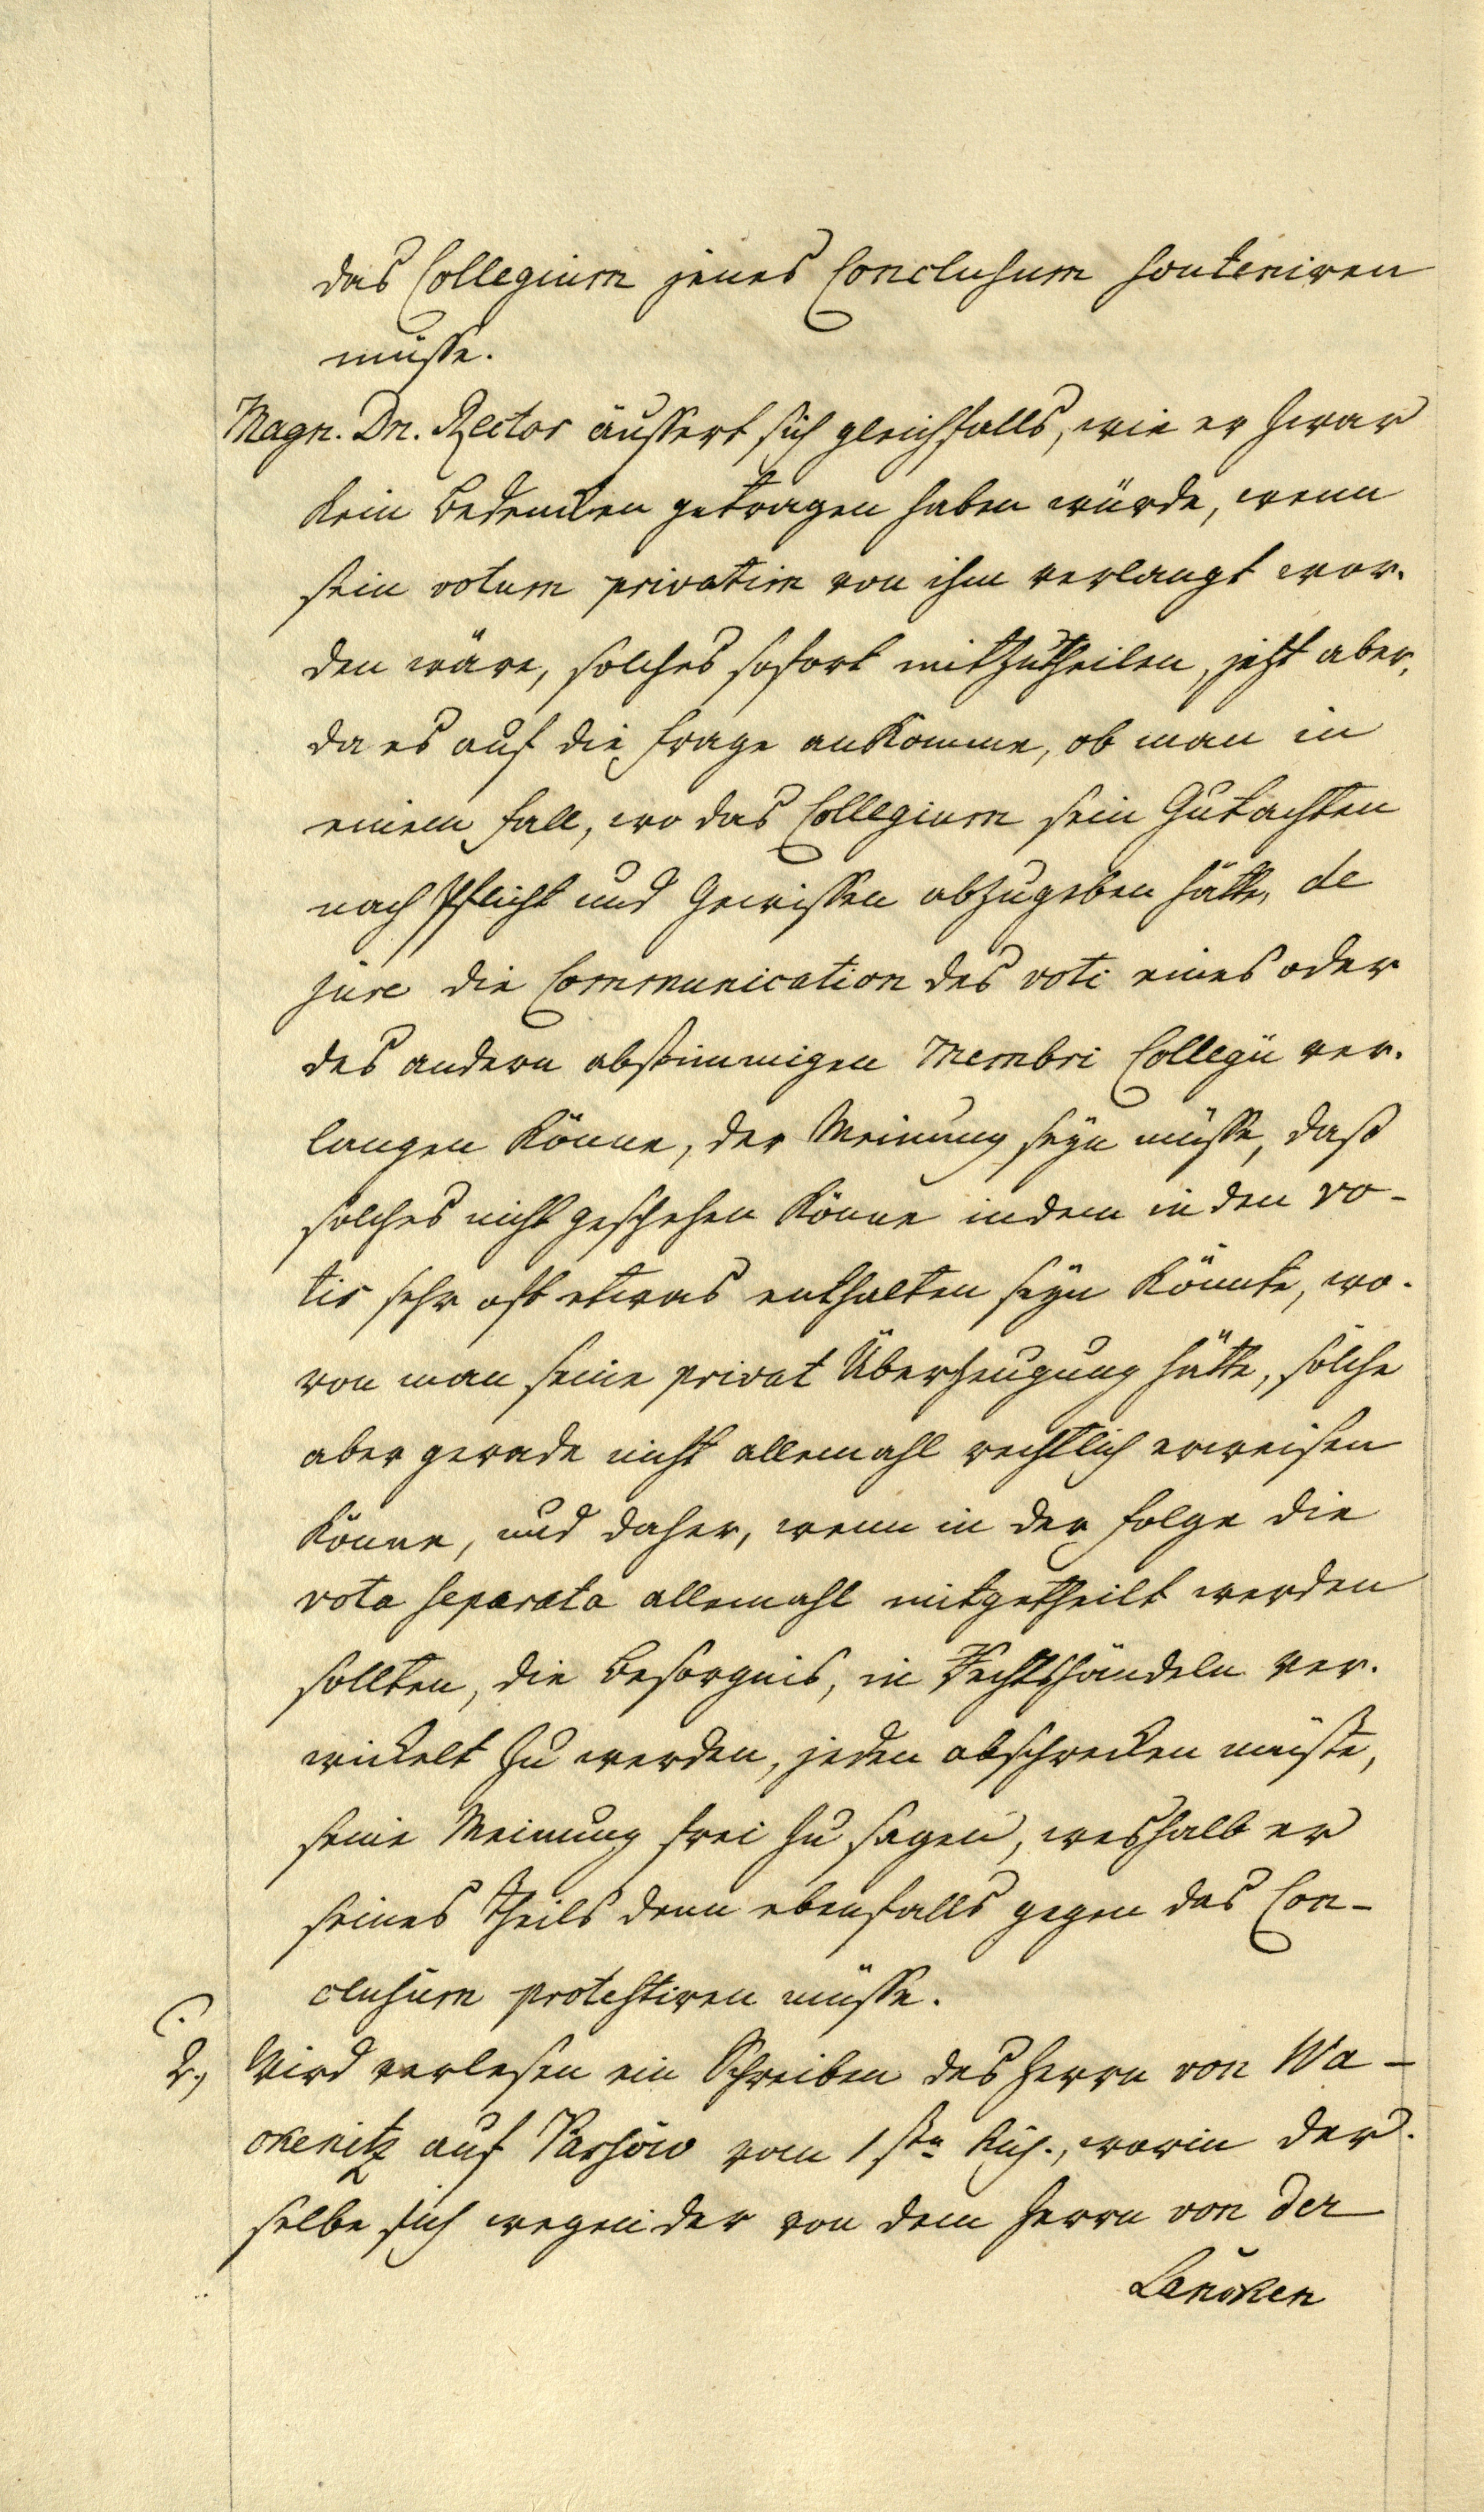das Collegium jenes Conclusum souteniren
müsse.
Magn. Dn. Rector äussert sich gleichfalls, wie er zwar
kein Bedencken getragen haben würde, wenn
sein votum privatim von ihm verlangt wor¬
den wäre, solches sofort mitzutheilen, jetzt aber,
da es auf die Frage ankomme, ob man in
einem Fall, wo das Collegium sein Gutachten
nach Pflicht und Gewissen abzugeben hätte, de
jure die Communication des voti eines oder
des andern abstimmigen Membri Collegii ver¬
langen könne, der Meinung seÿn müsse, daß
solches nicht geschehen könne indem in den vo¬
tis sehr oft etwas enthalten seÿn könnte, wo¬
von man seine privat Überzeugung hätte, solche
aber gerade nicht allemahl rechtlich erweisen
könne, und daher, wenn in der Folge die
vota separata allemahl mitgetheilt werden
sollten, die Besorgnis, in Rechtshändeln ver¬
wickelt zu werden, jeden abschrecken müßte,
seine Meinung frei zu sagen, weshalb er
seines Theils denn ebenfalls gegen des Con¬
clusum protestiren müsse.
2., Wird verlesen ein Schreiben des Herrn von Wa¬
ckenitz auf Passow vom 1 sten huj. worin der¬
selbe sich wegen der von dem Herrn von der
Lancken